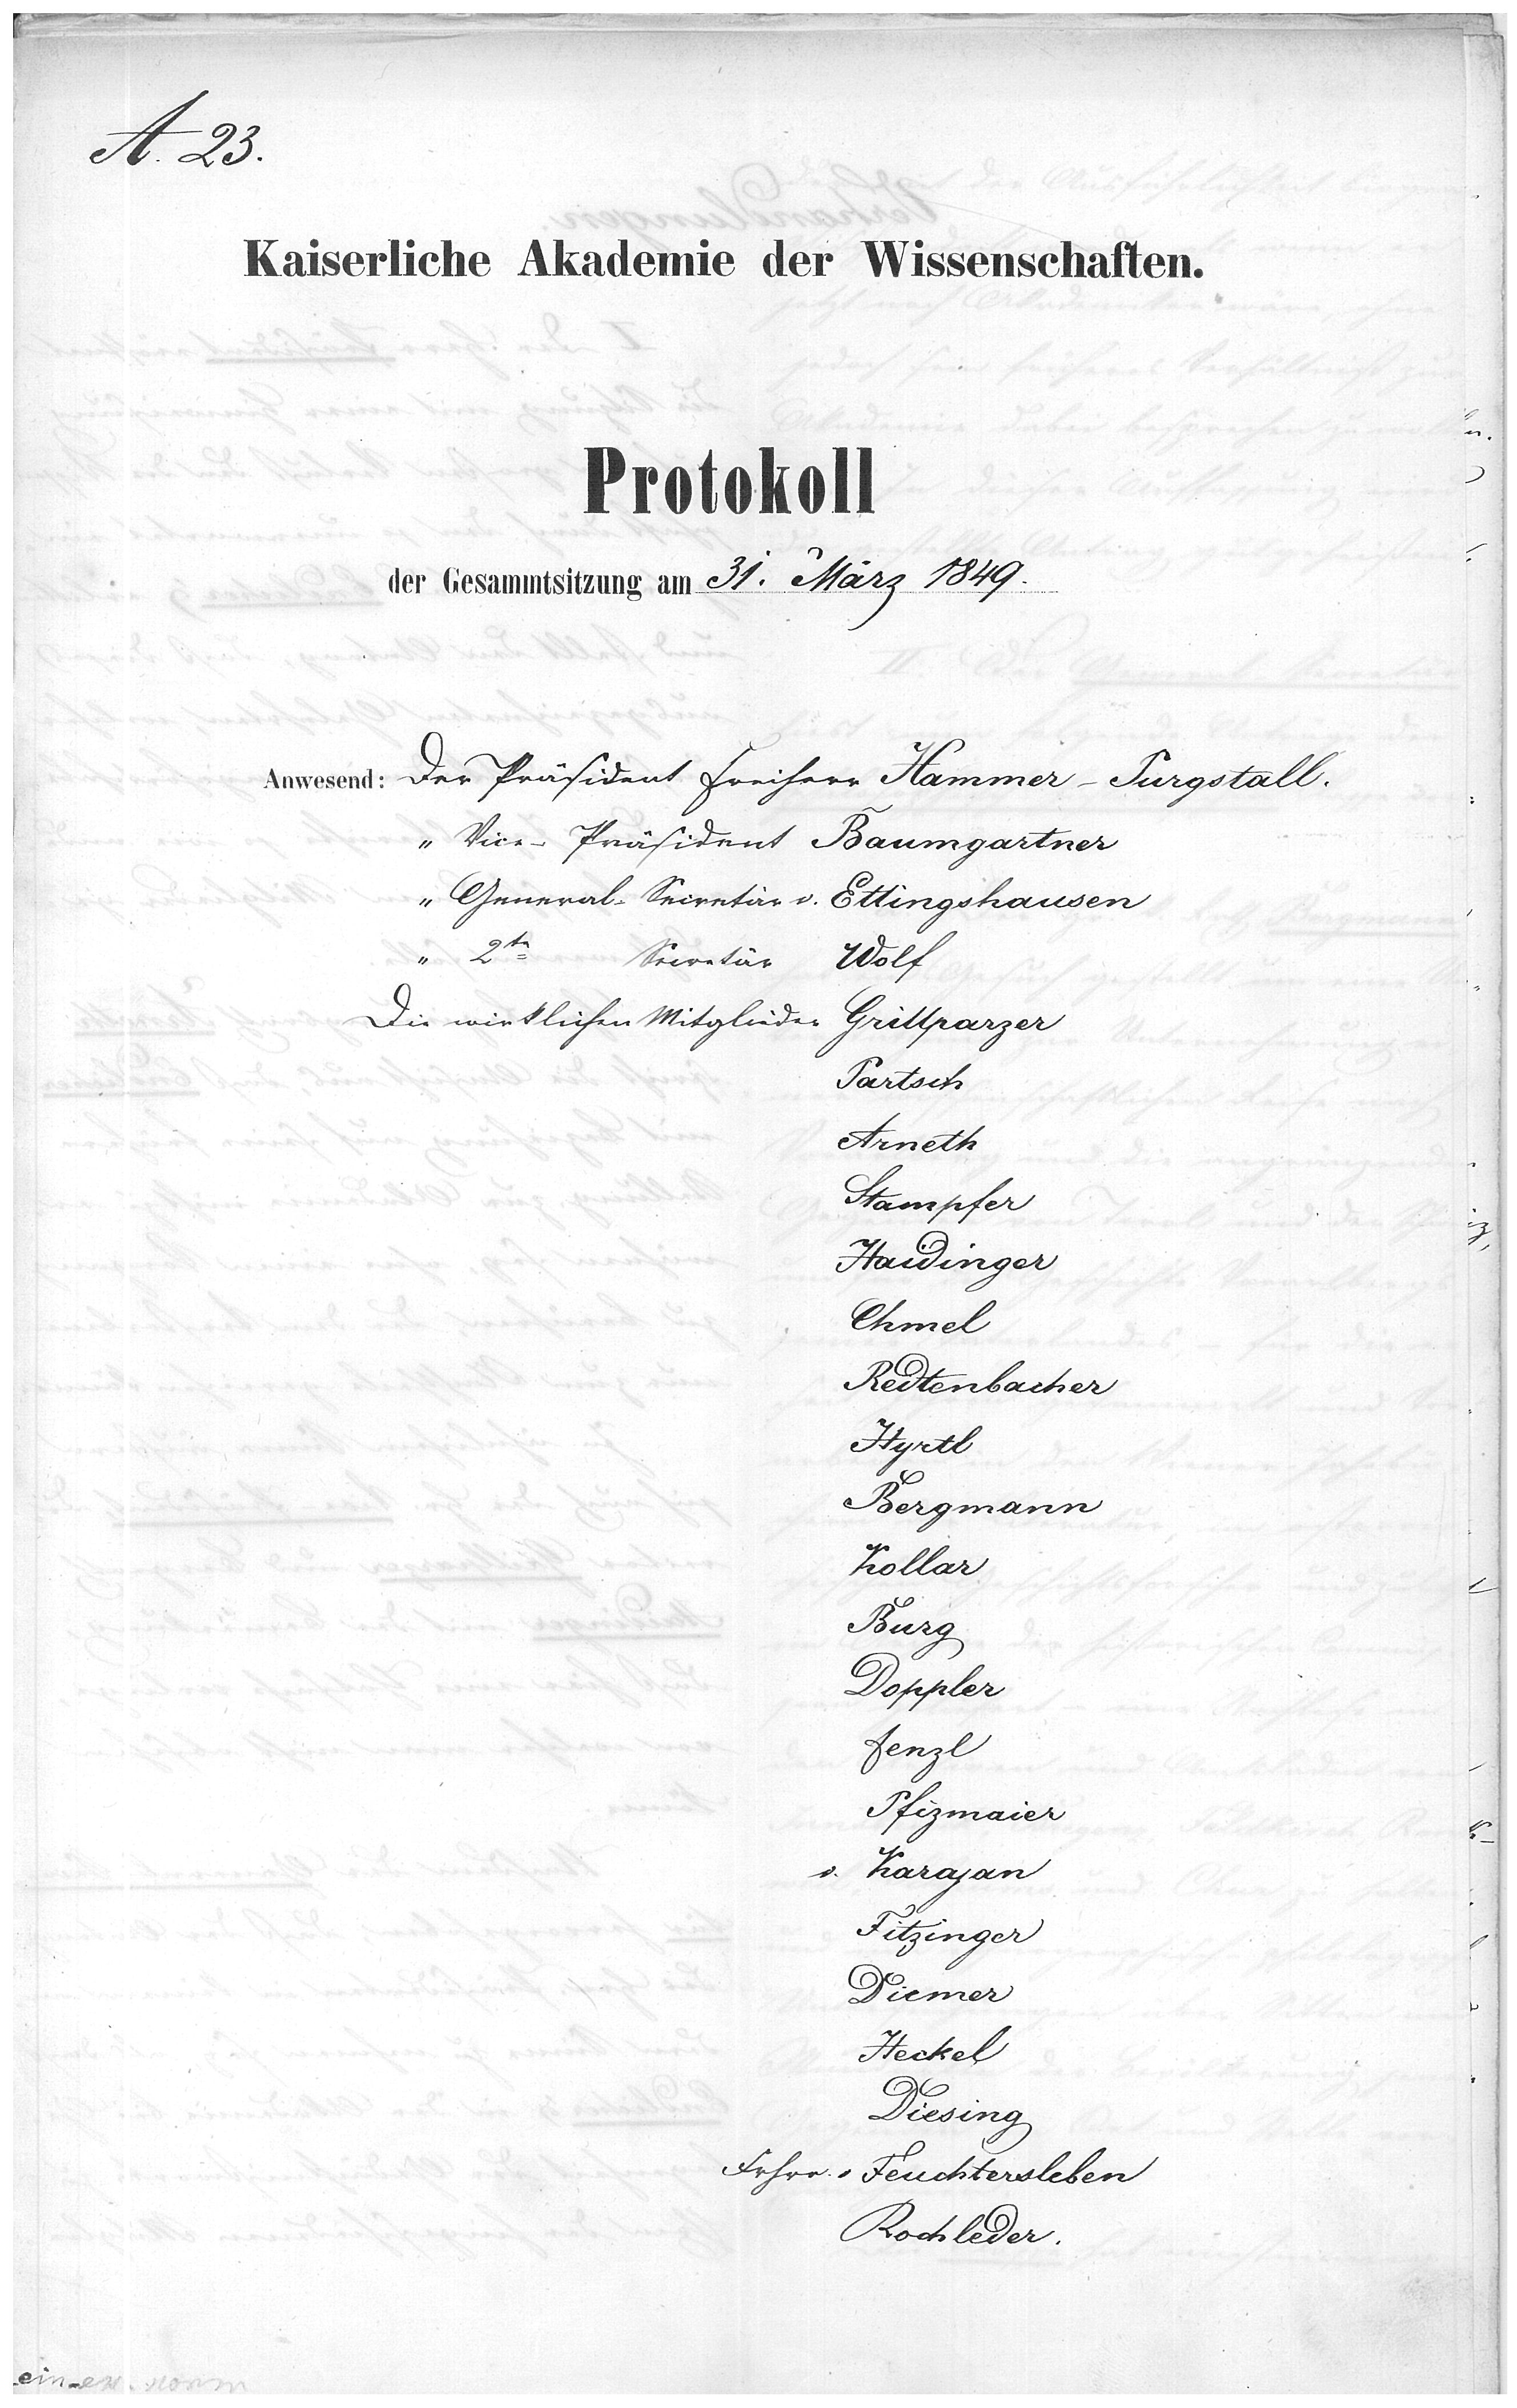A. 23.
Kaiserliche Akademie der Wissenschaften.
Protokoll
der Gesammtsitzung am 31. März 1849.
Anwesend: Der Präsident Freiherr Hammer-Purgstall.
" Vice-Präsident Baumgartner
" General-Secretär v. Ettingshausen
" 2te Secretär Wolf
Die wirklichen Mitglieder Grillparzer
Partsch
Arneth
Stampfer
Haidinger
Chmel
Redtenbacher
Hyrtl
Bergmann
Kollar
Burg
Doppler
Fenzl
Pfizmaier
v. Karajan
Fitzinger
Diemer
Heckel
Diesing
Frhrr. v. Feuchtersleben
Rochleder.